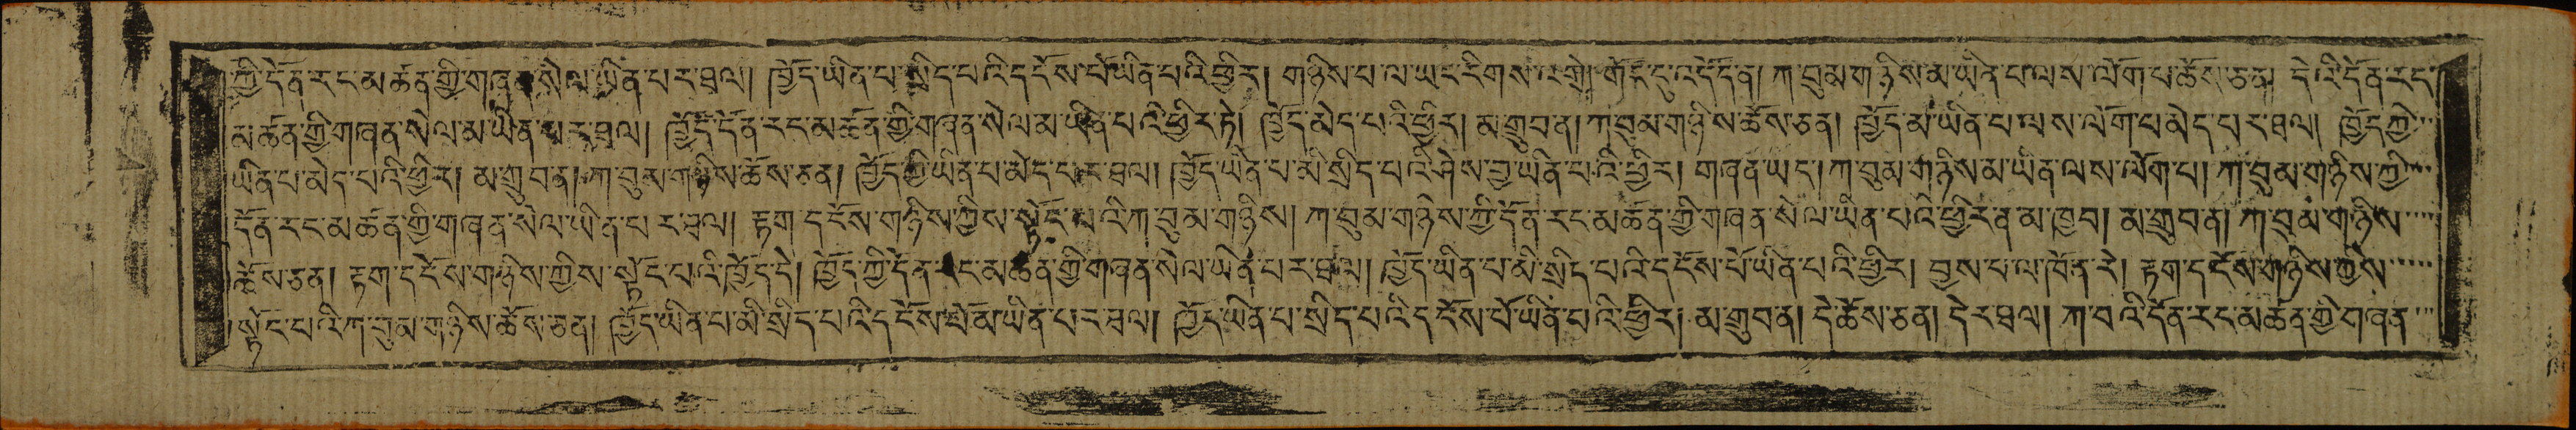ཀྱི་དོན་རང་མཚན་གྱི་གཞན་སེལ་ཡིན་པར་ཐལ། ཁྱོད་ཡིན་པ་སྲིད་པའི་དངོས་པོ་ཡིན་པའི་ཕྱིར། གཉིས་པ་ལ་ཡང་རིགས་འགྲེ། གོང་དུ་འདོད་ན། ཀ་བུམ་གཉིས་མ་ཡིན་པ་ལས་ལོག་པ་ཆོས་ཅན། དེའི་དོན་རང་
མཚན་གྱི་གཞན་སེལ་མ་ཡིན་པར་ཐལ། ཁྱོད་དོན་རང་མཚན་གྱི་གཞན་སེལ་མ་ཡིན་པའི་ཕྱིར་ཏེ། ཁྱོད་མེད་པའི་ཕྱིར། མ་གྲུབ་ན། ཀ་བུམ་གཉིས་ཆོས་ཅན། ཁྱོད་མ་ཡིན་པ་ལས་ལོག་པ་མེད་པར་ཐལ། ཁྱོད་ཀྱི་
ཡིན་པ་མེད་པའི་ཕྱིར། མ་གྲུབ་ན། ཀ་བུམ་གཉིས་ཆོས་ཅན། ཁྱོད་ཀྱི་ཡིན་པ་མེད་པར་ཐལ། ཁྱོད་ཡིན་པ་མི་སྲིད་པའི་ཤེས་བྱ་ཡིན་པའི་ཕྱིར། གཞན་ཡང་། ཀ་བུམ་གཉིས་མ་ཡིན་ལས་ལོག་པ། ཀ་བུམ་གཉིས་ཀྱི་
དོན་རང་མཚན་གྱི་གཞན་སེལ་ཡིན་པར་ཐལ། རྟག་དངོས་གཉིས་ཀྱིས་སྟོང་པའི་ཀ་བུམ་གཉིས། ཀ་བུམ་གཉིས་ཀྱི་དོན་རང་མཚན་གྱི་གཞན་སེལ་ཡིན་པའི་ཕྱིར་ན་མ་ཁྱབ། མ་གྲུབ་ན། ཀ་བུམ་གཉིས་
ཆོས་ཅན། རྟག་དངོས་གཉིས་ཀྱིས་སྟོང་པའི་ཁྱོད་དེ། ཁྱོད་ཀྱི་དོན་རང་མཚན་གྱི་གཞན་སེལ་ཡིན་པར་ཐལ། ཁྱོད་ཡིན་པ་མི་སྲིད་པའི་དངོས་པོ་ཡིན་པའི་ཕྱིར། བྱས་པ་ལ་ཁོ་ན་རེ། རྟག་དངོས་གཉིས་ཀྱིས་
སྟོང་པའི་ཀ་བུམ་གཉིས་ཆོས་ཅན། ཁྱོད་ཡིན་པ་མི་སྲིད་པའི་དངོས་པོ་མ་ཡིན་པར་ཐལ། ཁྱོད་ཡིན་པ་སྲིད་པའི་དངོས་པོ་ཡིན་པའི་ཕྱིར། མ་གྲུབ་ན། དེ་ཆོས་ཅན། དེར་ཐལ། ཀ་བའི་དོན་རང་མཚན་གྱི་གཞན་